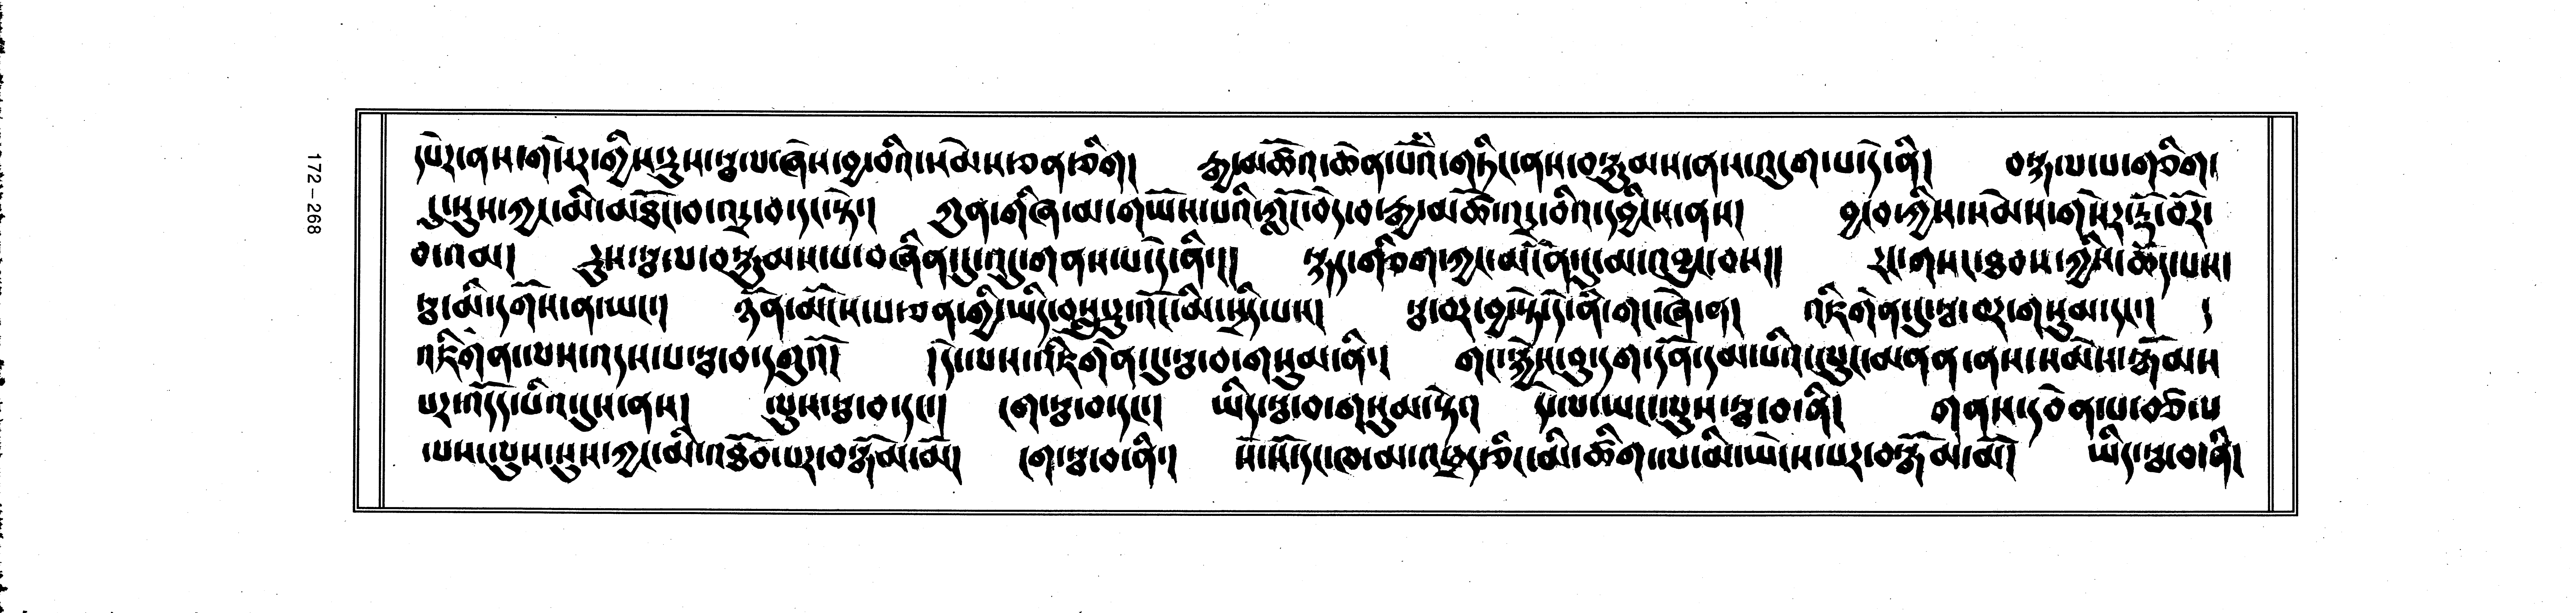དཔེར་ནས་གསེར་གྱིས་རུས་སྦལ་ཞེས་བྱ་བའི་སེམས་ཅན་ཅིག རྒྱ་མཚོའ་ཆེན་པོའི་གཏིང་ནས་བསྐུམས་ནས་འདུག་པ་དེ་ནི། བསྐལ་པ་གཅིག་
དུ་སུས་ཀྱང་མི་མཐོང་བ་འདྲ་བ་དང་སྟེ། ཀུན་གཞི་མ་གཡོས་པའི་ཀློང་བདེ་བ་རྒྱ་མཚོ་འདྲ་བའི་དབྱིངས་ནས། བྱང་ཆུབ་ཀྱིས་སེམས་གསེར་རྡོ་བོར་
བ་འམ། རུས་སྦལ་བསྐུམས་པ་བཞིན་དུ་འདུ་གནས་པ་དེ་ནི། སྐད་གཅིག་ཀྱང་མངོན་དུ་མ་འབྱུང་བས། རང་གསང་ཐབས་ཀྱིས་ཆོད་པས་
སྦ་མི་དགོས་ན་ཡང་། ཉོན་མོངས་པ་ཅན་གྱི་ཡིད་བསླུ་རུ་འོང་མི་སྲིད་པས། སྦ་བར་བྱ་སྟེ་དེ་ནི་གང་ཞེ་ན། འཇིག་རྟེན་དུ་སྦ་བར་གསུམ་དང་། 
འཇིག་རྟེན་ལས་འདས་པ་སྦ་བ་དགུའོ། དེ་ལས་འཇིག་རྟེན་དུ་སྦ་བ་གསུམ་ནི། གང་སྐྱེས་བུ་དག་དོན་དམ་པའི་ལུང་མནན་ནས་སེམས་སྒོམས་
པར་འདོད་པའི་དུས་ནས། ལུས་སྦ་བ་དང་། ངག་སྦ་བ་དང་། ཡིད་སྦ་བ་གསུམ་སྟེ། དེ་ལ་ཡང་ལུས་སྦ་བ་ནི། གནས་དབེན་པ་བཙལ་
ལས་ལུས་སུས་ཀྱང་མི་མཐོང་བར་བསྒོམ་མོ། ངག་སྦ་བ་ནི། སོ་སོ་དང་ཁ་མ་འཕྲད་ཅིང་མི་ཚིག་ལ་མི་གཡེངས་པར་བསྒོམ་མོ། ཡིད་སྦ་བ་ནི། ཀུན་གཞིའ་ལ་